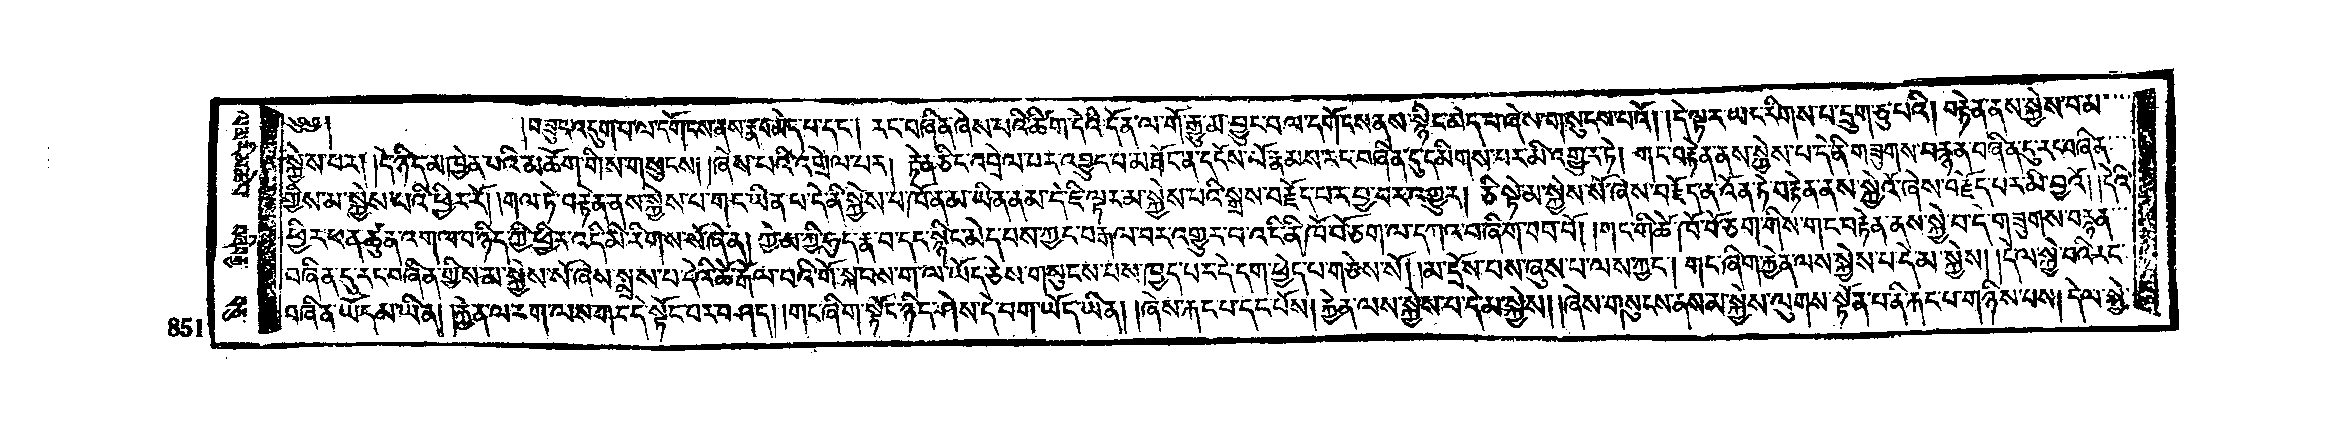༄༅། །བཟུང་འདུག་པ་ལ་དགོངས་ནས་རྣ་བ་མེད་པ་དང་། རང་བཞིན་ཞེས་པའི་ཚིག་དེའི་དོན་ལ་གོ་རྒྱུ་མ་བྱུང་བ་ལ་དགོངས་ནས་སྙིང་མེད་པ་ཞེས་གསུངས་པའོ། །དེ་ལྟར་ཡང་རིགས་པ་དྲུག་ཅུ་པའི། བརྟེན་ནས་སྐྱེས་པ་མ་
སྐྱེས་པར། །དེ་ཉིད་མཁྱེན་པའི་མཆོག་གིས་གསུངས། །ཞེས་པའི་འགྲེལ་པར། རྟེན་ཅིང་འབྲེལ་བར་འབྱུང་བ་མཐོང་ན་དངོས་པོ་རྣམས་རང་བཞིན་དུ་དམིགས་པར་མི་འགྱུར་ཏེ། གང་བརྟེན་ནས་སྐྱེས་པ་དེ་ནི་གཟུགས་བརྙན་བཞིན་དུ་རང་བཞིན་
གྱིས་མ་སྐྱེས་པའི་ཕྱིར་རོ། །གལ་ཏེ་བརྟེན་ནས་སྐྱེས་པ་གང་ཡིན་པ་དེ་ནི་སྐྱེས་པ་ཁོ་ན་མ་ཡིན་ནམ་དེ་ཇི་ལྟར་མ་སྐྱེས་པའི་སྒྲས་བརྗོད་པར་བྱ་བར་འགྱུར། ཅི་སྟེ་མ་སྐྱེས་སོ་ཞེས་བརྗོད་ན་འོན་ཏེ་བརྟེན་ནས་སྐྱེའོ་ཞེས་བརྗོད་པར་མི་བྱའོ། །དེའི་
ཕྱིར་ཕན་ཚུན་འགལ་བ་ཉིད་ཀྱི་ཕྱིར་འདི་མི་རིགས་སོ་ཞེ་ན། ཀྱེ་མ་ཀྱི་ཧུད་རྣ་བ་དང་སྙིང་མེད་པས་ཀྱང་བརྒལ་བར་འགྱུར་བ་འདི་ནི་ཁོ་བོ་ཅག་ལ་དཀའ་བ་ཞིག་བབ་བོ། །གང་གི་ཚེ་ཁོ་བོ་ཅག་གིས་གང་བརྟེན་ནས་སྐྱེ་བ་དེ་གཟུགས་བརྙན་
བཞིན་དུ་རང་བཞིན་གྱིས་མ་སྐྱེས་སོ་ཞེས་སྨྲས་པ་དེའི་ཚེ་རྒོལ་བའི་གོ་སྐབས་ག་ལ་ཡོད་ཅེས་གསུངས་པས་ཁྱད་པར་དེ་དག་ཕྱེད་པ་གཅེས་སོ། །མ་དྲོས་པས་ཞུས་པ་ལས་ཀྱང་། གང་ཞིག་རྐྱེན་ལས་སྐྱེས་པ་དེ་མ་སྐྱེས། །དེ་ལ་སྐྱེ་བའི་རང་
བཞིན་ཡོད་མ་ཡིན། །རྐྱེན་ལ་རག་ལས་གང་དེ་སྟོང་པར་བཤད། །གང་ཞིག་སྟོང་ཉིད་ཤེས་དེ་བག་ཡོད་ཡིན། །ཞེས་རྐང་པ་དང་པོས། རྐྱེན་ལས་སྐྱེས་པ་དེ་མ་སྐྱེས། །ཞེས་གསུངས་ནས་མ་སྐྱེས་ལུགས་སྟོན་པ་ནི་རྐང་པ་གཉིས་པས། དེ་ལ་སྐྱེ་